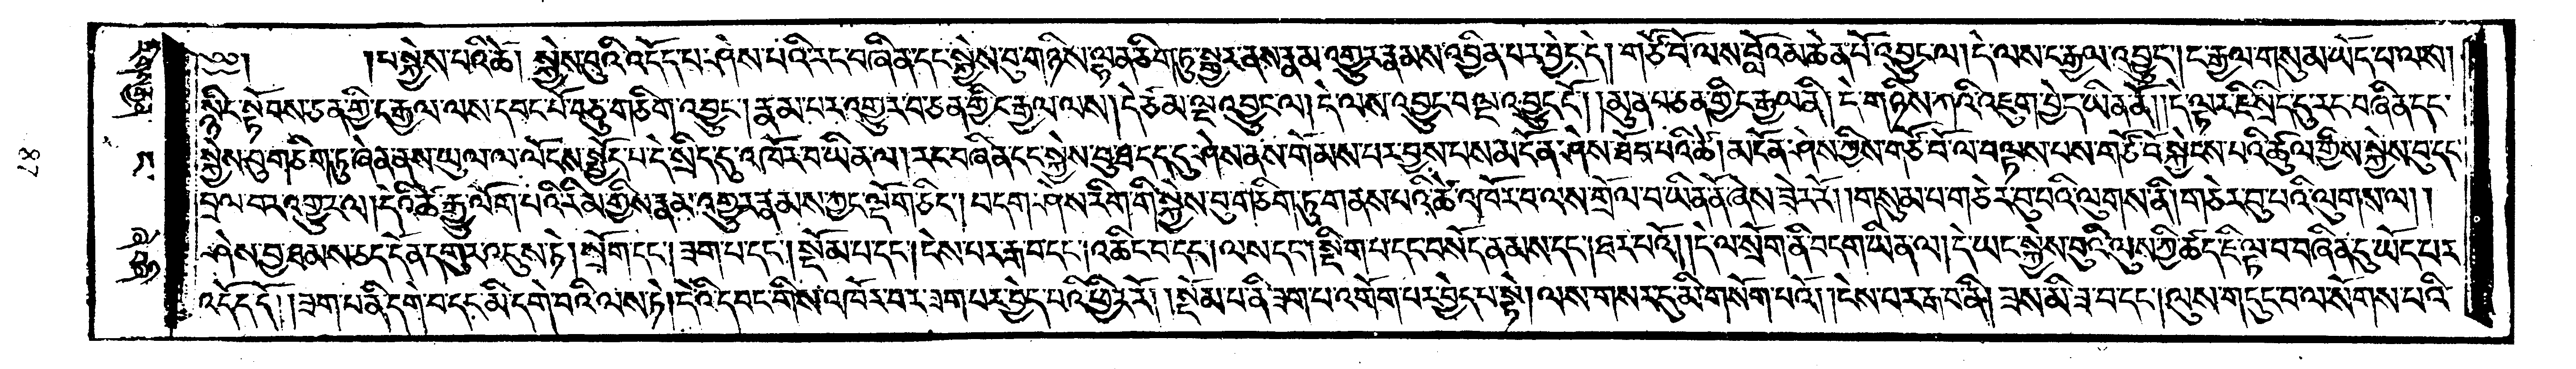༄༅། །པ་སྐྱེས་པའི་ཚེ། སྐྱེས་བུའི་འདོད་པ་ཤེས་པའི་རང་བཞིན་དང་སྐྱེས་བུ་གཉིས་ལྷན་ཅིག་ཏུ་སྦྱར་ནས་རྣམ་འགྱུར་རྣམས་འབྱིན་པར་བྱེད་དོ། གཙོ་བོ་ལས་བློའམ་ཆེན་པོ་འབྱུང་ལ། དེ་ལས་ང་རྒྱལ་འབྱུང་། ང་རྒྱལ་གསུམ་ཡོད་པ་ལས།
སྙིང་སྟོབས་ཅན་གྱི་ང་རྒྱལ་ལས་དབང་པོ་བཅུ་གཅིག་འབྱུང་། རྣམ་པར་འགྱུར་བ་ཅན་གྱི་ང་རྒྱལ་ལས། དེ་ཙམ་ལྔ་འབྱུང་ལ། དེ་ལས་འབྱུང་བ་ལྔ་འབྱུང་ངོ། །མུན་པ་ཅན་གྱི་ང་རྒྱལ་ནི། དེ་གཉིས་ཀའི་འཇུག་བྱེད་ཡིན་ནོ། །དེ་ལྟར་ཇི་སྲིད་དུ་རང་བཞིན་དང་
སྐྱེས་བུ་གཅིག་ཏུ་ཞེན་ནས་ཡུལ་ལ་ལོངས་སྤྱོད་པ་དེ་སྲིད་དུ་འཁོར་བ་ཡིན་ལ། རང་བཞིན་དང་སྐྱེས་བུ་ཐ་དད་དུ་ཤེས་ནས་གོམས་པར་བྱས་པས་མངོན་ཤེས་ཐོབ་པའི་ཚེ། མངོན་ཤེས་གྱིས་གཙོ་བོ་ལ་བལྟས་པས་གཙོ་བོ་སྐྱེ་ངས་པའི་ཚུལ་གྱིས་སྐྱེས་བུ་དང་
བྲལ་བར་འགྱུར་ལ། དེའི་ཚེ་རྒྱུ་ལོག་པའི་རིམ་གྱིས་རྣམ་འགྱུར་རྣམས་ཀྱང་ལྡོག་ཅིང་། བདག་ཤེས་རིག་གི་སྐྱེས་བུ་གཅིག་ཏུ་གནས་པའི་ཚེ་འཁོར་བ་ལས་གྲོལ་བ་ཡིན་ནོ་ཞེས་ཟེར་རོ། །གསུམ་པ་གཅེར་བུ་པའི་ལུགས་ནི། གཅེར་བུ་པའི་ལུགས་ལ། །
ཤེས་བྱ་ཐམས་ཅད་དོན་དགུར་འདུས་ཏེ། སྲོག་དང་། ཟག་པ་དང་། སྡོམ་པ་དང་། ངེས་པར་རྒ་བ་དང་། འཆིང་བ་དང་། ལས་དང་། སྡིག་པ་དང་བསོད་ནམས་དང་། ཐར་པའོ། །དེ་ལ་སྲོག་ནི་བདག་ཡིན་ལ། དེ་ཡང་སྐྱེས་བུའི་ལུས་ཀྱི་ཚད་ཇི་ལྟ་བ་བཞིན་དུ་ཡོད་པར་
འདོད་དོ། །ཟག་པ་ནི་དགེ་བ་དང་མི་དགེ་བའི་ལས་ཏེ། དེའི་དབང་གིས་འཁོར་བར་ཟག་པར་བྱེད་པའི་ཕྱིར་རོ། །སྡོམ་པ་ནི་ཟག་པ་འགོག་པར་བྱེད་པ་སྟེ། ལས་གསར་དུ་མི་གསོག་པའོ། །ངེས་པར་རྒ་བ་ནི། ཟས་མི་ཟ་བ་དང་། ལུས་གདུང་བ་ལ་སོགས་པའི་